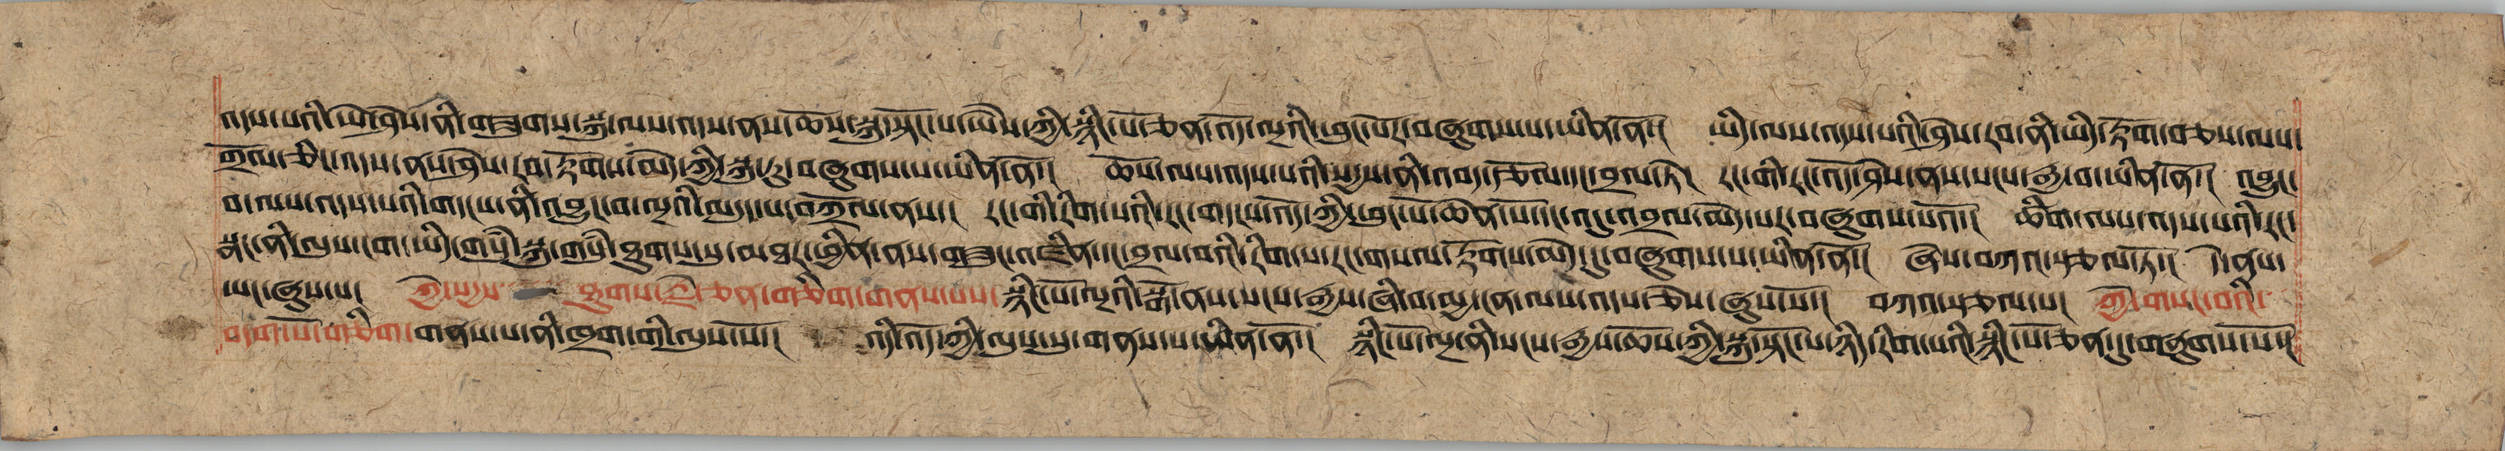འདས་པའི་ཡེ་ཤེས་ནི་གཟུགས་སྐུ་ལས་འདས་ནས་ཆོས་སྐུ་སྟོང་པ་ཡཻས་ཀྱི་སྙིང་པོ་ཅན་འོད་ལྔའི་ཕུང་པོར་བཞུགས་པ་ཡིན་ནོ་། ཡིད་ལས་འདས་པའི་ཤེས་རབ་ནི་ཡིད་རྟོག་བཅས་ལས་
གྲོལ་ཅིང་འདས་ནས་ཤེས་རབ་རྟོགས་མེད་ཀྱི་སྐུ་རུ་བཞུགས་པ་ཡིན་ནོ་། ཆོས་ལས་འདས་པའི་སདྱས་ནི་འབད་རྩོལ་དང་བྲལ་ཏེ། རང་གི་རང་འོད་ཤེས་ནས་སངས་རྒྱ་བ་ཡིན་ནོ་། འབྱུང་
བ་ལས་འདས་པའི་གདངས་ནི་འབྱུང་བ་ལྔའི་མདུད་པ་བཀྲོལ་ནས་། རང་གི་རིག་པའི་རང་གདངས་འོད་ཀྱི་ཕུང་པོ་ཆེན་པོ་དང་འདུ་འབྲལ་མེད་པར་བཞུགས་པའོ་། ཚིག་ལས་འདས་པའི་རང་
སྣང་ནི་ལུས་ངག་ཡིད་གསུཾ་སྐུ་གསུཾ་ཐུགས་སུ་མཐར་ཕྱིན་ནས་གཟུང་འཛིན་དང་བྲལ་བའི་རིག་པ་རང་གསལ་རྟོགས་མེད་དུ་བཞུགས་པ་ཡིན་ནོ་། ཞེས་བཀའ་སྩལ་ཏོ་། དེ་ནས་
ཡང་ཞུས་པ། ཀྱེ་སདྱས་ཐུགས་རྗེ་ཅན་གཅིག་གནས་པས་སྙིང་པོ་ལྔའི་སྒོ་ནས་སངས་རྒྱས་ཞི་བ་མྱ་ངན་ལས་འདས་ཅེས་ཞུས་སོ་། བཀའ་སྩལ་པ། ཀྱེ་གསང་བའི་
བདག་པོ་གཅིག་གནས་པ་ནི་ཁྲག་གི་ལུས་སོ་། འདི་འོད་ཀྱི་ལུས་སུ་གནས་པ་ཡིན་ནོ་། སྙིང་པོ་ལྔ་ནི་སངས་རྒྱས་ཆོས་ཀྱི་སྐུ་སྟོང་པ་ཉིད་རིག་པའི་སྙིང་པོ་ཅན་དུ་བཞུགས་སོ་།